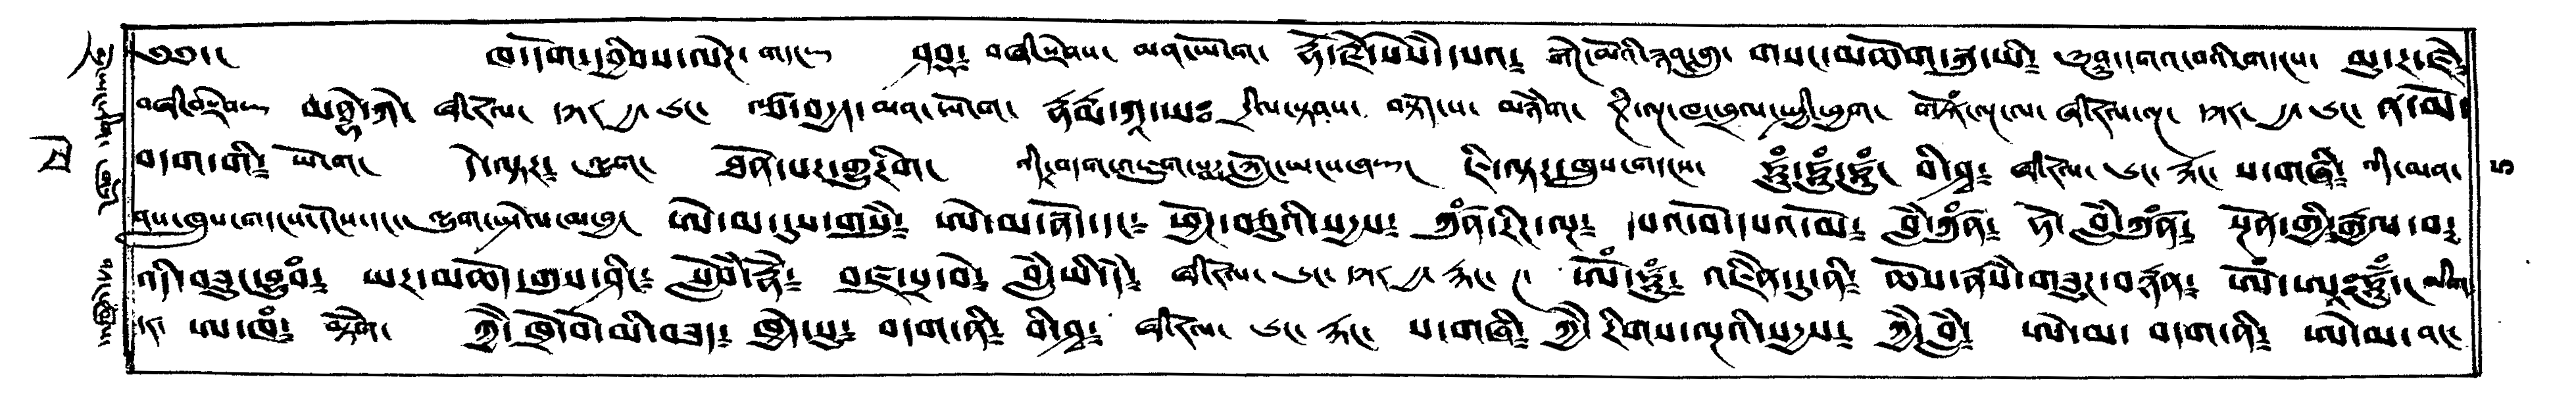ཁ་དོག་དབྱིབས་ལེགས། གདངས། ཤབྡ༴ བཞི་བསྡེབས་མན་ཡོ་ག རྡོ་རྗེ་སེམས་དཔའ༴ སྒེག་མོའི་སྙན་གླུ། གསང་མཆོག་སྐུ་ཡི༴ ཀུན་ཏུ་དགའ་བའི་གདངས། མུ་ར་ཛེ༴ 
བཞི་བསྡེབས། མནྡྷེ་ཀེ ཞི་རོལ། དཀར། རྒྱ། དུང་། རྩ་བརྒྱད་མན་ཡོ་ག དྷརྨ་ཀཱ་ཡཿ དྲིལ་སྟབས། བསྟོད་པ། མཉམ་བཞག རིགས་ལྔ་ཁ་ཕྲལ་སྤྱི་ཕྱག གཏོར་མ་ལྔ་ལ། ཞི་རོལ་ལྔ། དཀར། རྒྱ། དུང་། ན་མོ་
བདག་གི༴ ཡོ་ག དེ་ལྟར༴ ལྷུག ཐོན་པར་གྱུར་ཅིག འདི་བདག་འཇུག་པདྨ་ཀློང་ཡངས་ནས། ཇི་ལྟར། ཁྲུས་གདངས། ཧཱུྃ་ཧཱུྃ་ཧཱུྃ། བི་ཤྭ༴ ཞི་རོལ། དུང་། རྐང་། ས་གཞི༴ འདི་མན་
ནས་ཁྲུས་གདངས་དངོས་དང་། ལྷུག་སྤེལ་མ་བྱ། ཨེ་མ་དུས་གསུམ༴ ཨེ་མ་སྣོད་དང༴ ཕྱོགས་བཅུའི་སངས་རྒྱས༴ ཀུན་བཟང་རིགས་ལྔ༴ དཔའ་བོ་དཔའ་མོ༴ བླ་མ་ཀུན་བཟང༴ ཧོ་བླ་མ་ཀུན་བཟང༴ སྔོན་གྱི་རྒྱལ་བ༴ 
འདི་བཟུང་བྱང་ཆུབ༴ ཡར་མཆོད་གུས་ཤིང༴ སློབ་མ་རྣམས༴ བཛྲ་པྲ་བེ༴ བླ་མ་ཡི་དམ༴ ཞི་རོལ། དུང་། དཀར། རྒྱ། རྐང་། ཌཱ། ཨོཾ་ཧཱུྃ༴ འཇིག་རྟེན་དུ་ནི༴ ཆོས་རྣམས་གཟུགས་བརྙན༴ ཨོཾ་ཨཱཿཧཱུྃ་མིག་
དར། ཨ་ཁཾ༴ མེ་ཏོག ཀྱཻ ཁྲོ་བོ་མི་བཟད༴ ཁྱེད་སུ༴ བདག་ནི༴ བིཤྭ༴ ཞི་རོལ། དུང་། རྐང་། ས་གཞི༴ ཀྱཻ་རིགས་ལྔའི་སངས་རྒྱས༴ ཀྱཻ་བླ་མ༴ ཨེ་མ་བདག་ནི༴ ཨེ་མ་ནང་